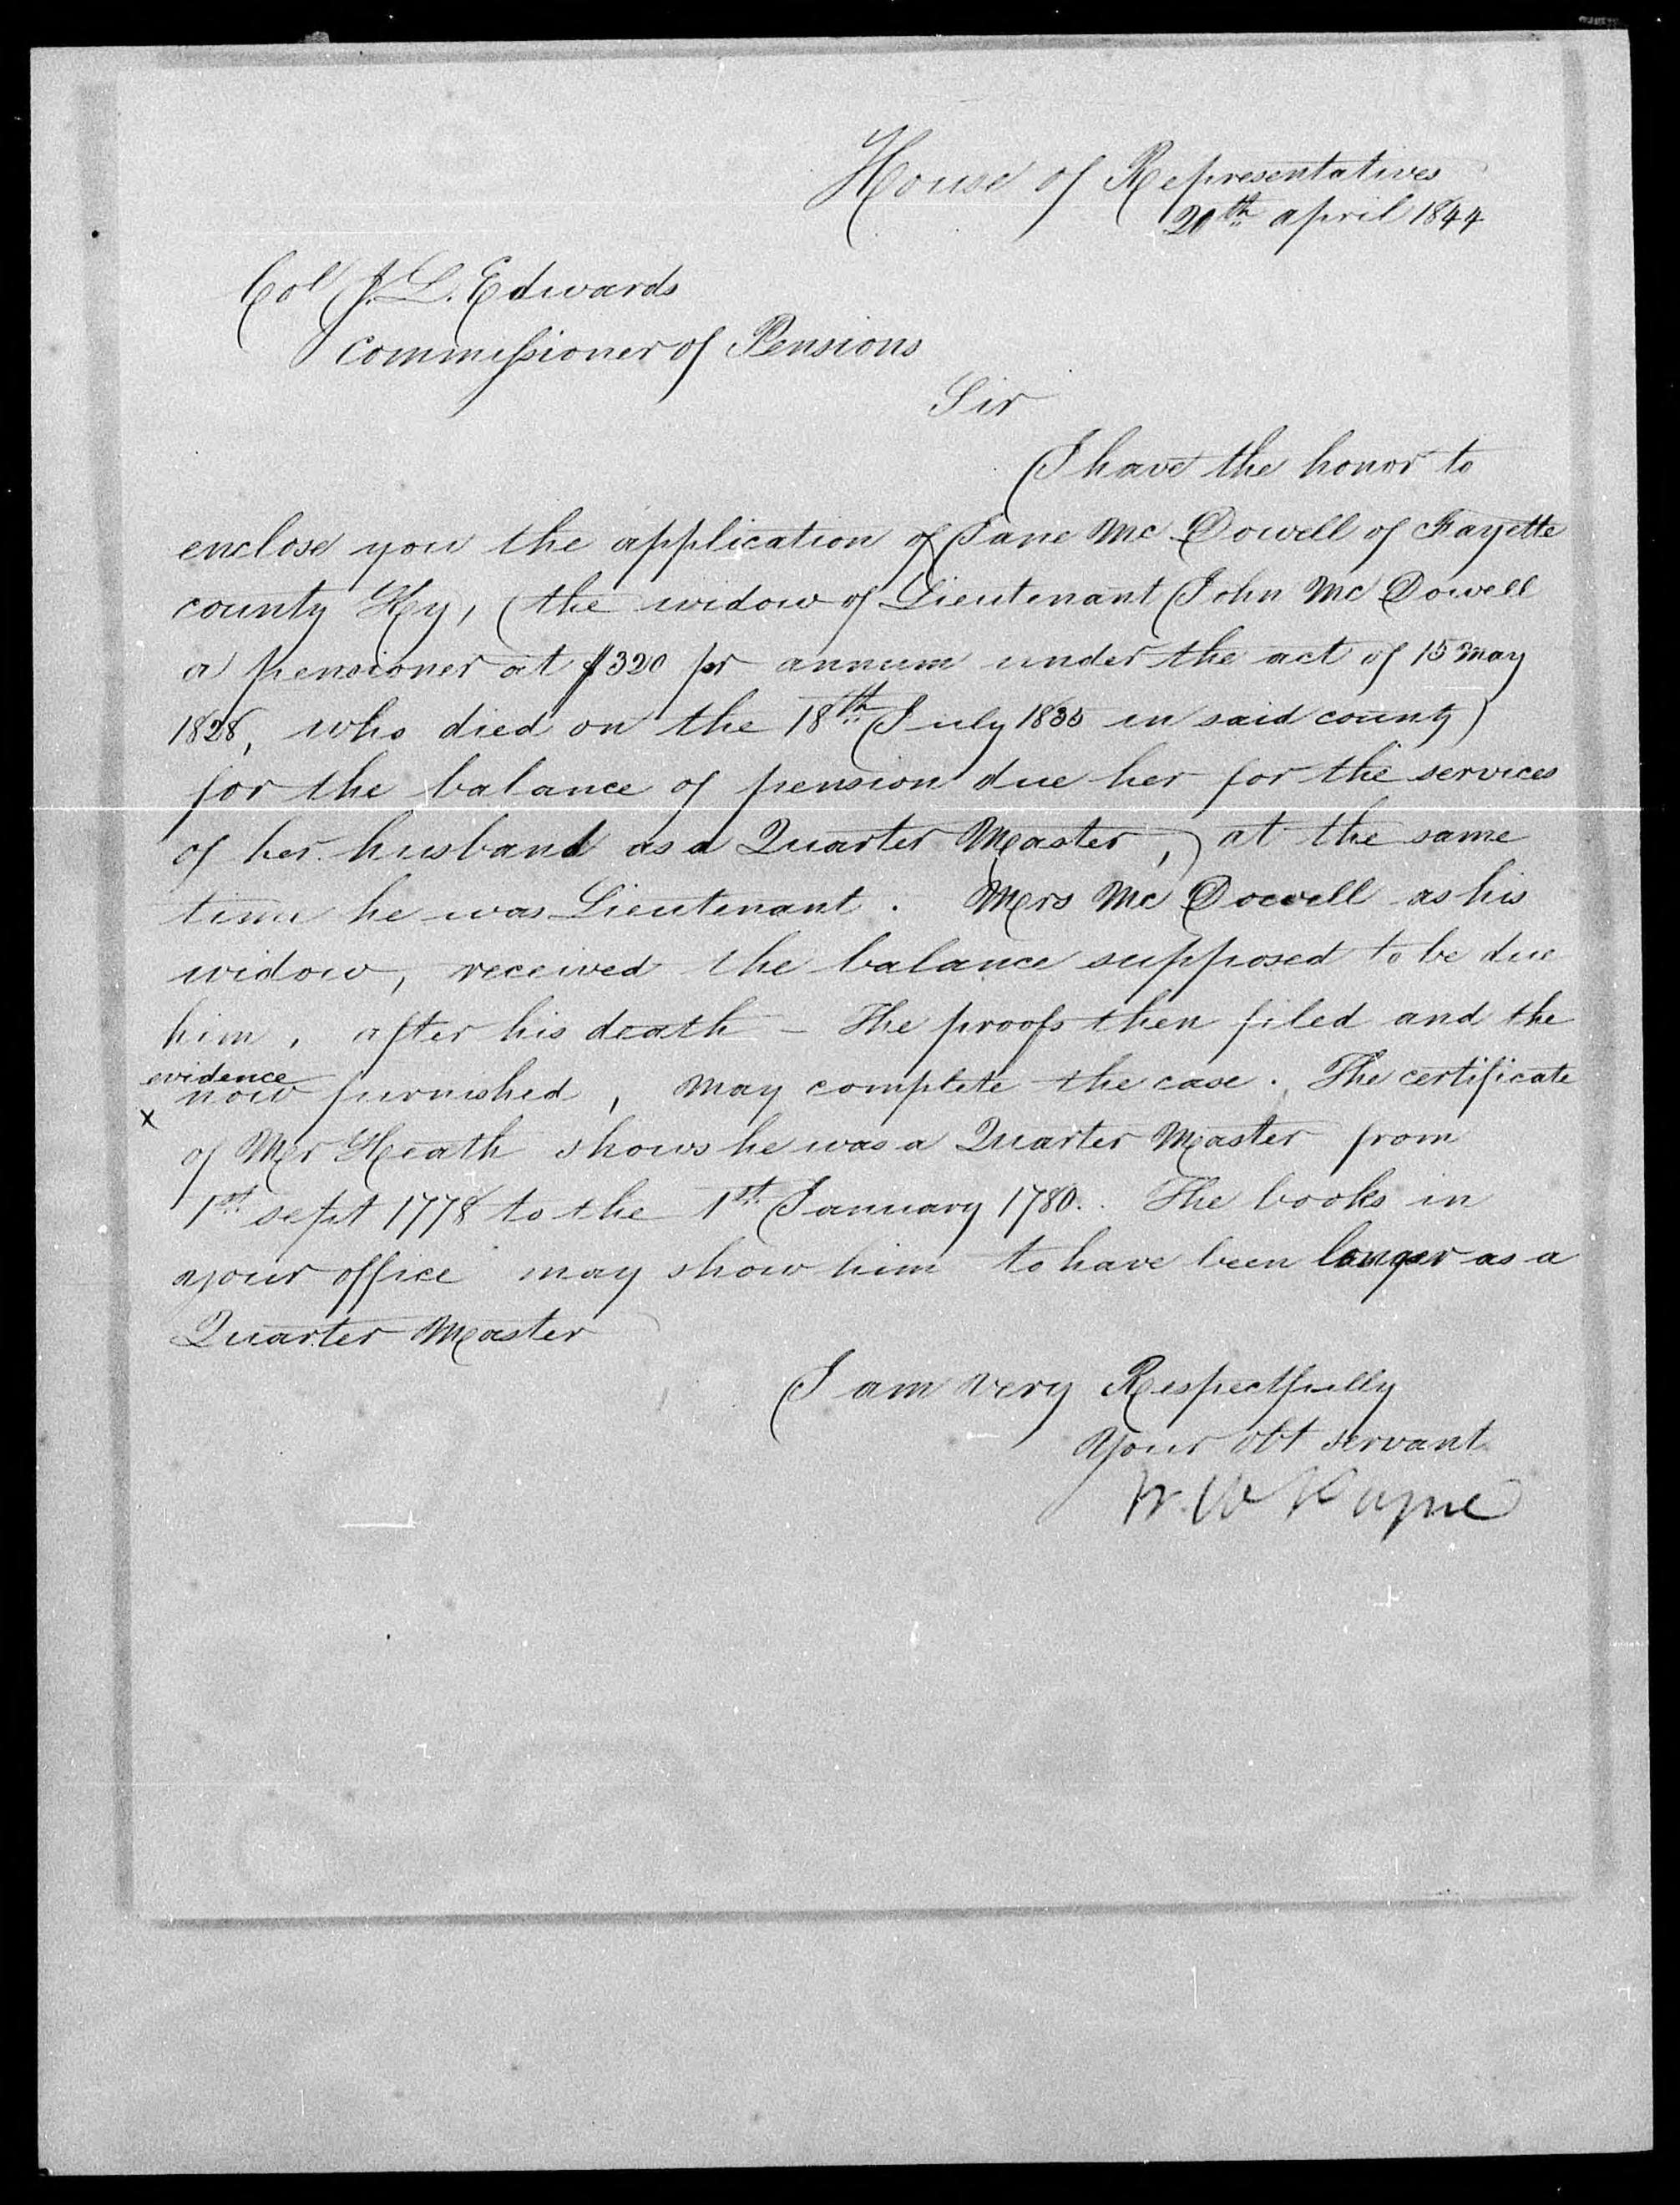House of Representatives
20th April 1844

Col. [illegible] Edwards
Commissioner of Pensions
Sir
I have the honor to
enclose you the application of Jane McDowell of Fayette
county, Ky, the widow of Lieutenant John McDowell
a pensioner at $320 per annum under the act of 15 May
1828, who died on the 18th July 1820 in said county
for the balance of pension due her for the service
of her husband  as a Quarter Master, at the same
time he was Lieutenant.  Mrs. McDowell  as his
widow, received the balance supposed to be due
him, after his death--The proof then filed and the
evidence now furnished, may complete the case. The certificate
of Mr. Heath shows he was a Quarter Master from
1st Sept 1778 to the 1st January 1780.  The books in
your office may show him to have been longer as a
Quarter Master.
I am very Respectfully
Your obt (obedient) Servant
_W W Payne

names: Jane Mc Dowell; [BLANK] Heath; J L Edwards; John Mc Dowell; W W Payne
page: 18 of 47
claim: survivor's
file: S. 30578, for John Mc Dowell, Virginia